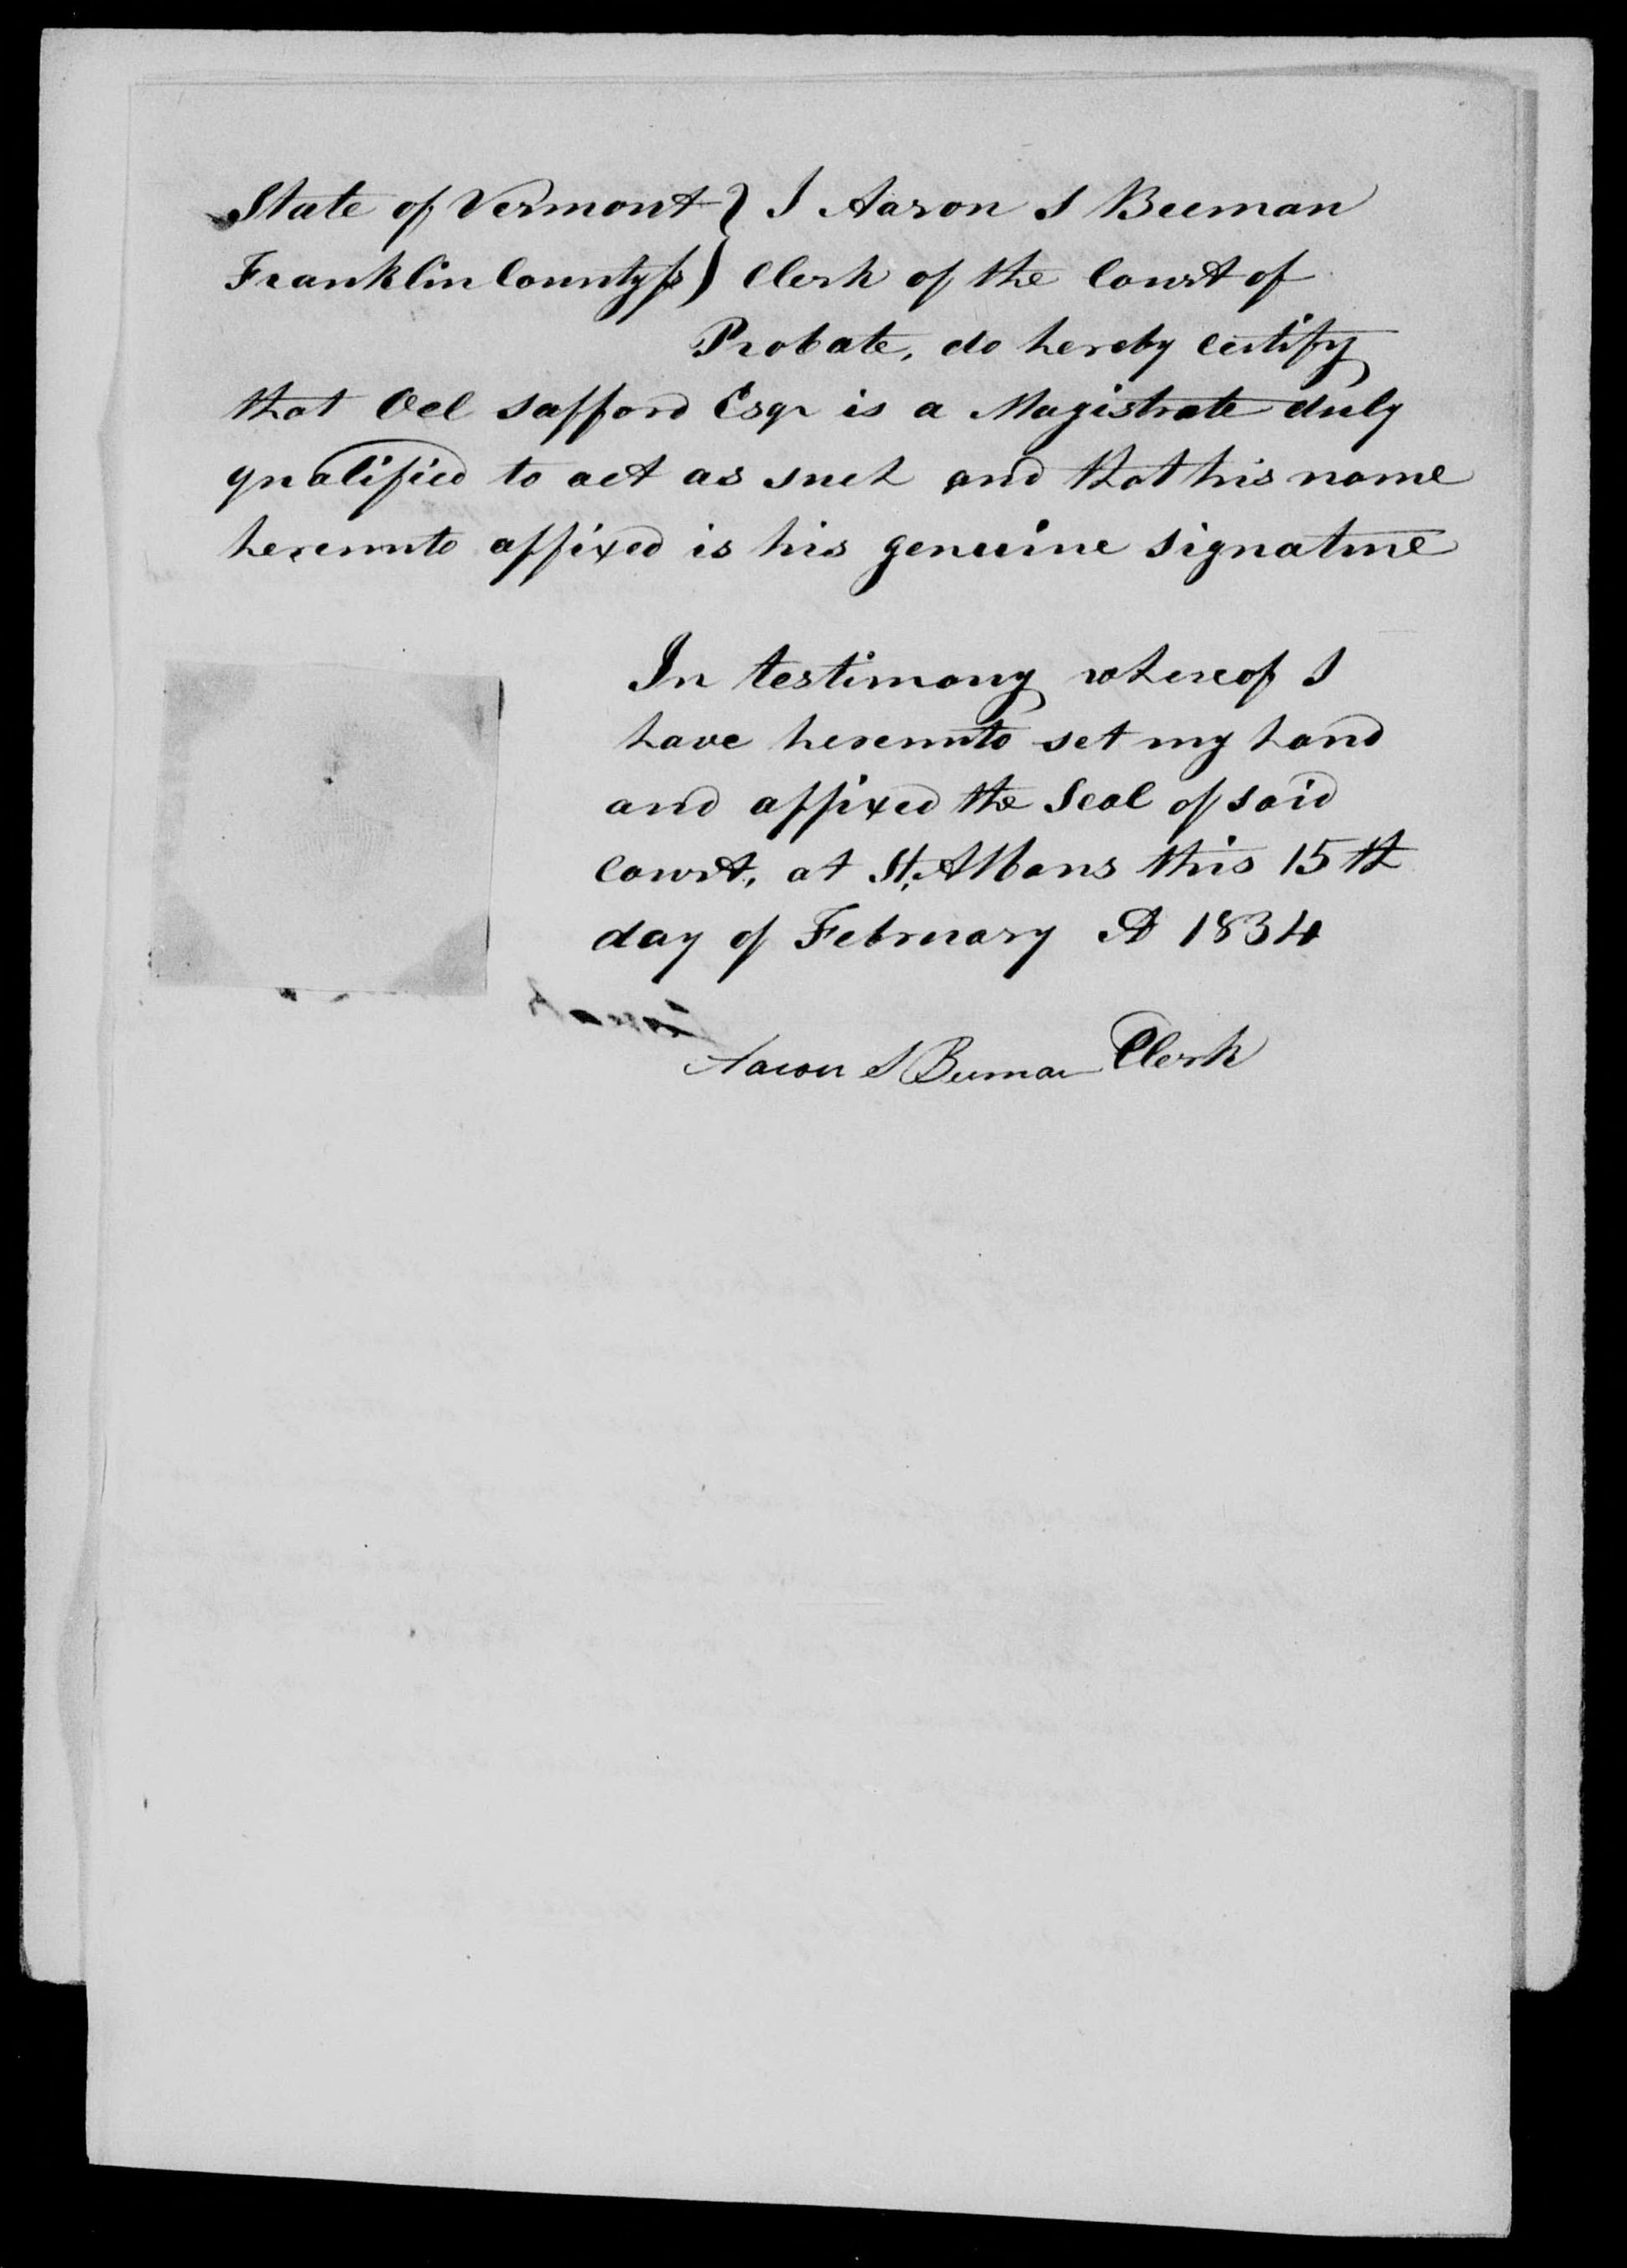State of Vermont
Franklin County ss

I Aaron S Beeman Clerk of the Court of Probate, do hereby certify that Col Safford Esqr is a Magistrate duly qualified to act as such and that his name hereunto affixed is his genuine signature

[faded seal mark]

In testimony, whereof I have hereunto set my hand and affixed the deal of said Court, at St Albans this 15th day of February AD 1734

Aaron S Beeman Clerk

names: Aaron S Beeman, Aaron S Beeman, Oel Safford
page: 46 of 72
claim: widow's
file: W. 7771, Stephen Holmes, Vt.